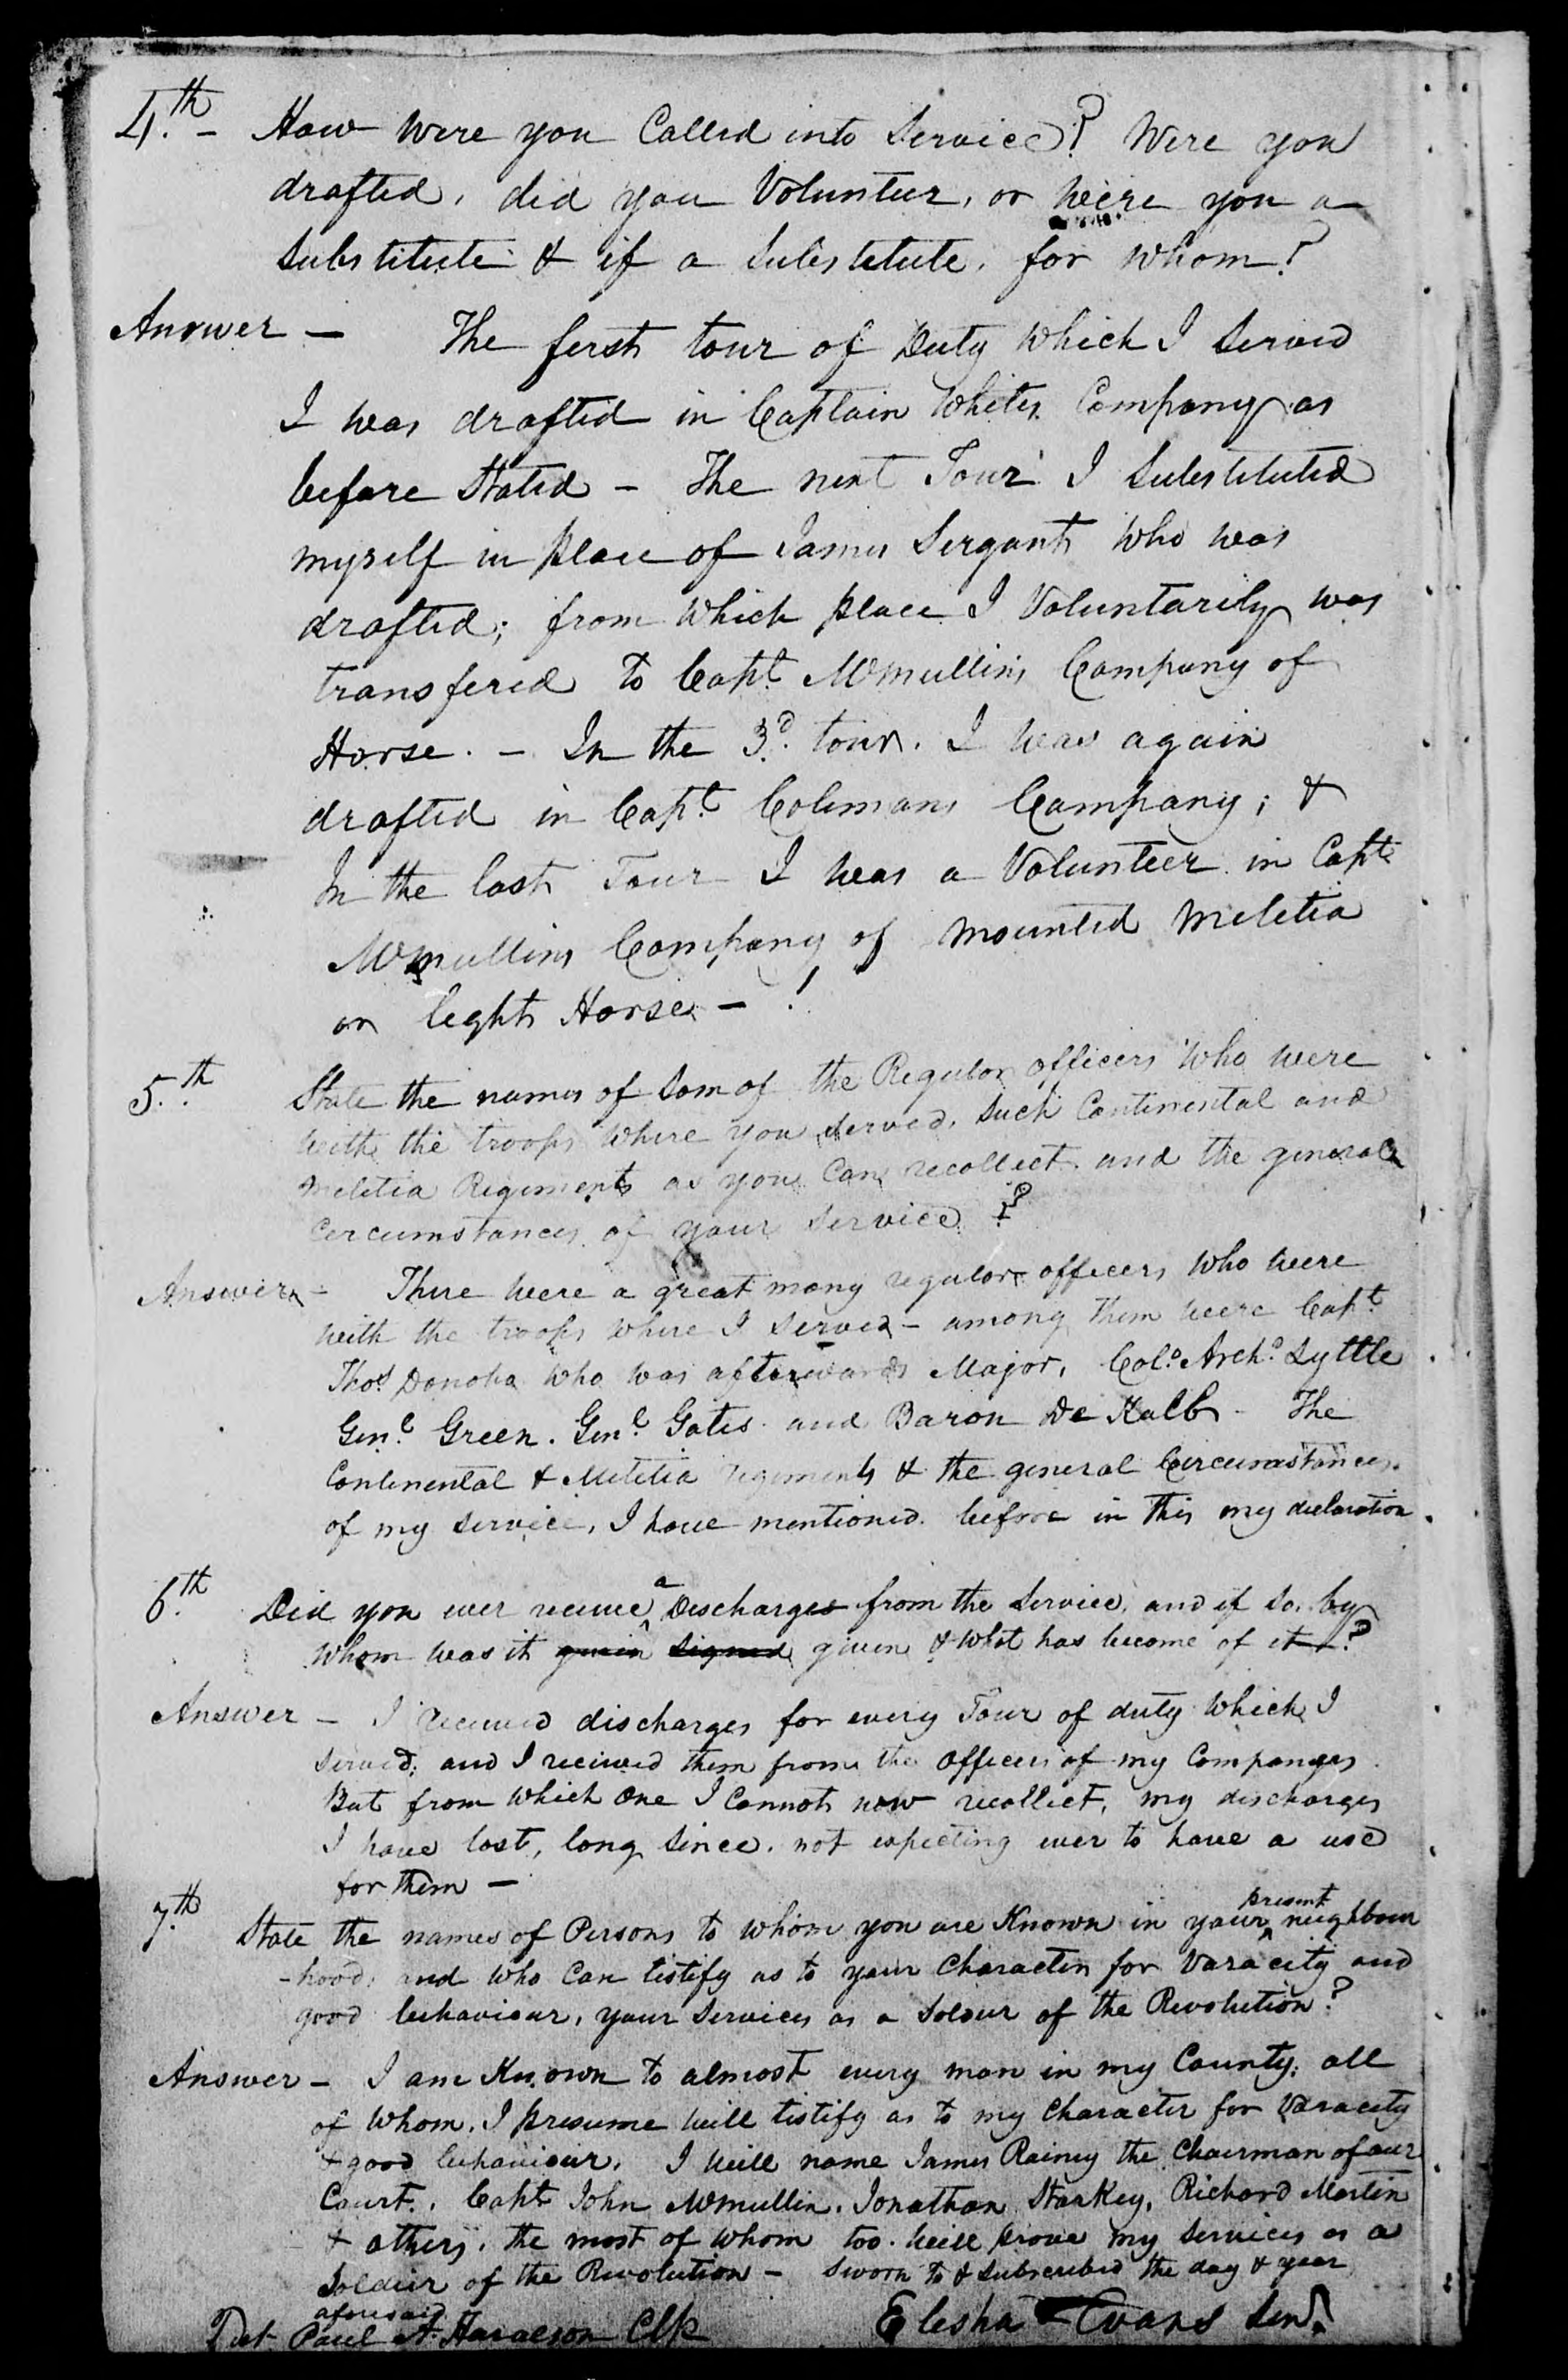4th - How were you called into service? Were you drafted, did you volunteer, or were you a
substitute & if a substitute for whom?
ANswer = The first tour of Duty which I served
I was drafted in Captain Whites Company as
before stated. The next tour I substituted
myself in place of James Sergant who was
drafted, from which place I Voluntarily was
transfered to Capt McMullin's Company of 
Horse. In the 3d tour. I was again drafted in Capt Colemans Company, & In the last Tour I was a volunteer in Capt Mullins Company of Mounted Militia or light Horse -

5th State the names of some of the Regular officers who were with the troops where you served, such Continental and Militia Regiments as you can recollect and the general
circumstances of your service
Answer - There were a great many regular officers who were with the troops where I served among them were Capt Thos Donoho who was afterwards Major, Col Arch Lytle
Genl Green, Genl Gates and Baron De Kalb. The Continental & Militia regiments & the general circumstance of my service, I have mentioned before in this my declaration.

6th. Did you ever receive Discharge from the service, and if so by whom was it given & what has become of it?
Answer - I received discharges for every tour of duty which I served, and I received them from the officers of my company But from which one I cannot now recollect, my discharges I have lost, long since, not expecting ever to have a use for them-

7th. State the names of persons to whom you are known in your present neighborhood, and who can testify as to your character for veracity and good behaviour, your services as a soldier of the Revolution?
Answer- I am known to almost every man in my County, all of whom, I presume will testify as to my character for veracity & good behaviour, I will name James Rainey the Chairman of our Court, Capt John Mullin Jonathan Starkey, Richard Martin & others, the most of whom too will prove my services as a
Soldier of the Revolution - Sworn to & subscribed the day & year aforesaid 

Test Paul A Haralson Clk
Elisha Evans Senr.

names: Green, Gates, James Rainey, Richard Martin, Paul A Haralson, John Mc Mullin, Archd Lyttle, Elesha Evans, Thos Donoho, Baron De Kalb, Jonathan Starkey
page: 11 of 29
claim: survivor's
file: S. 6830, Elisha Evans, N.C.